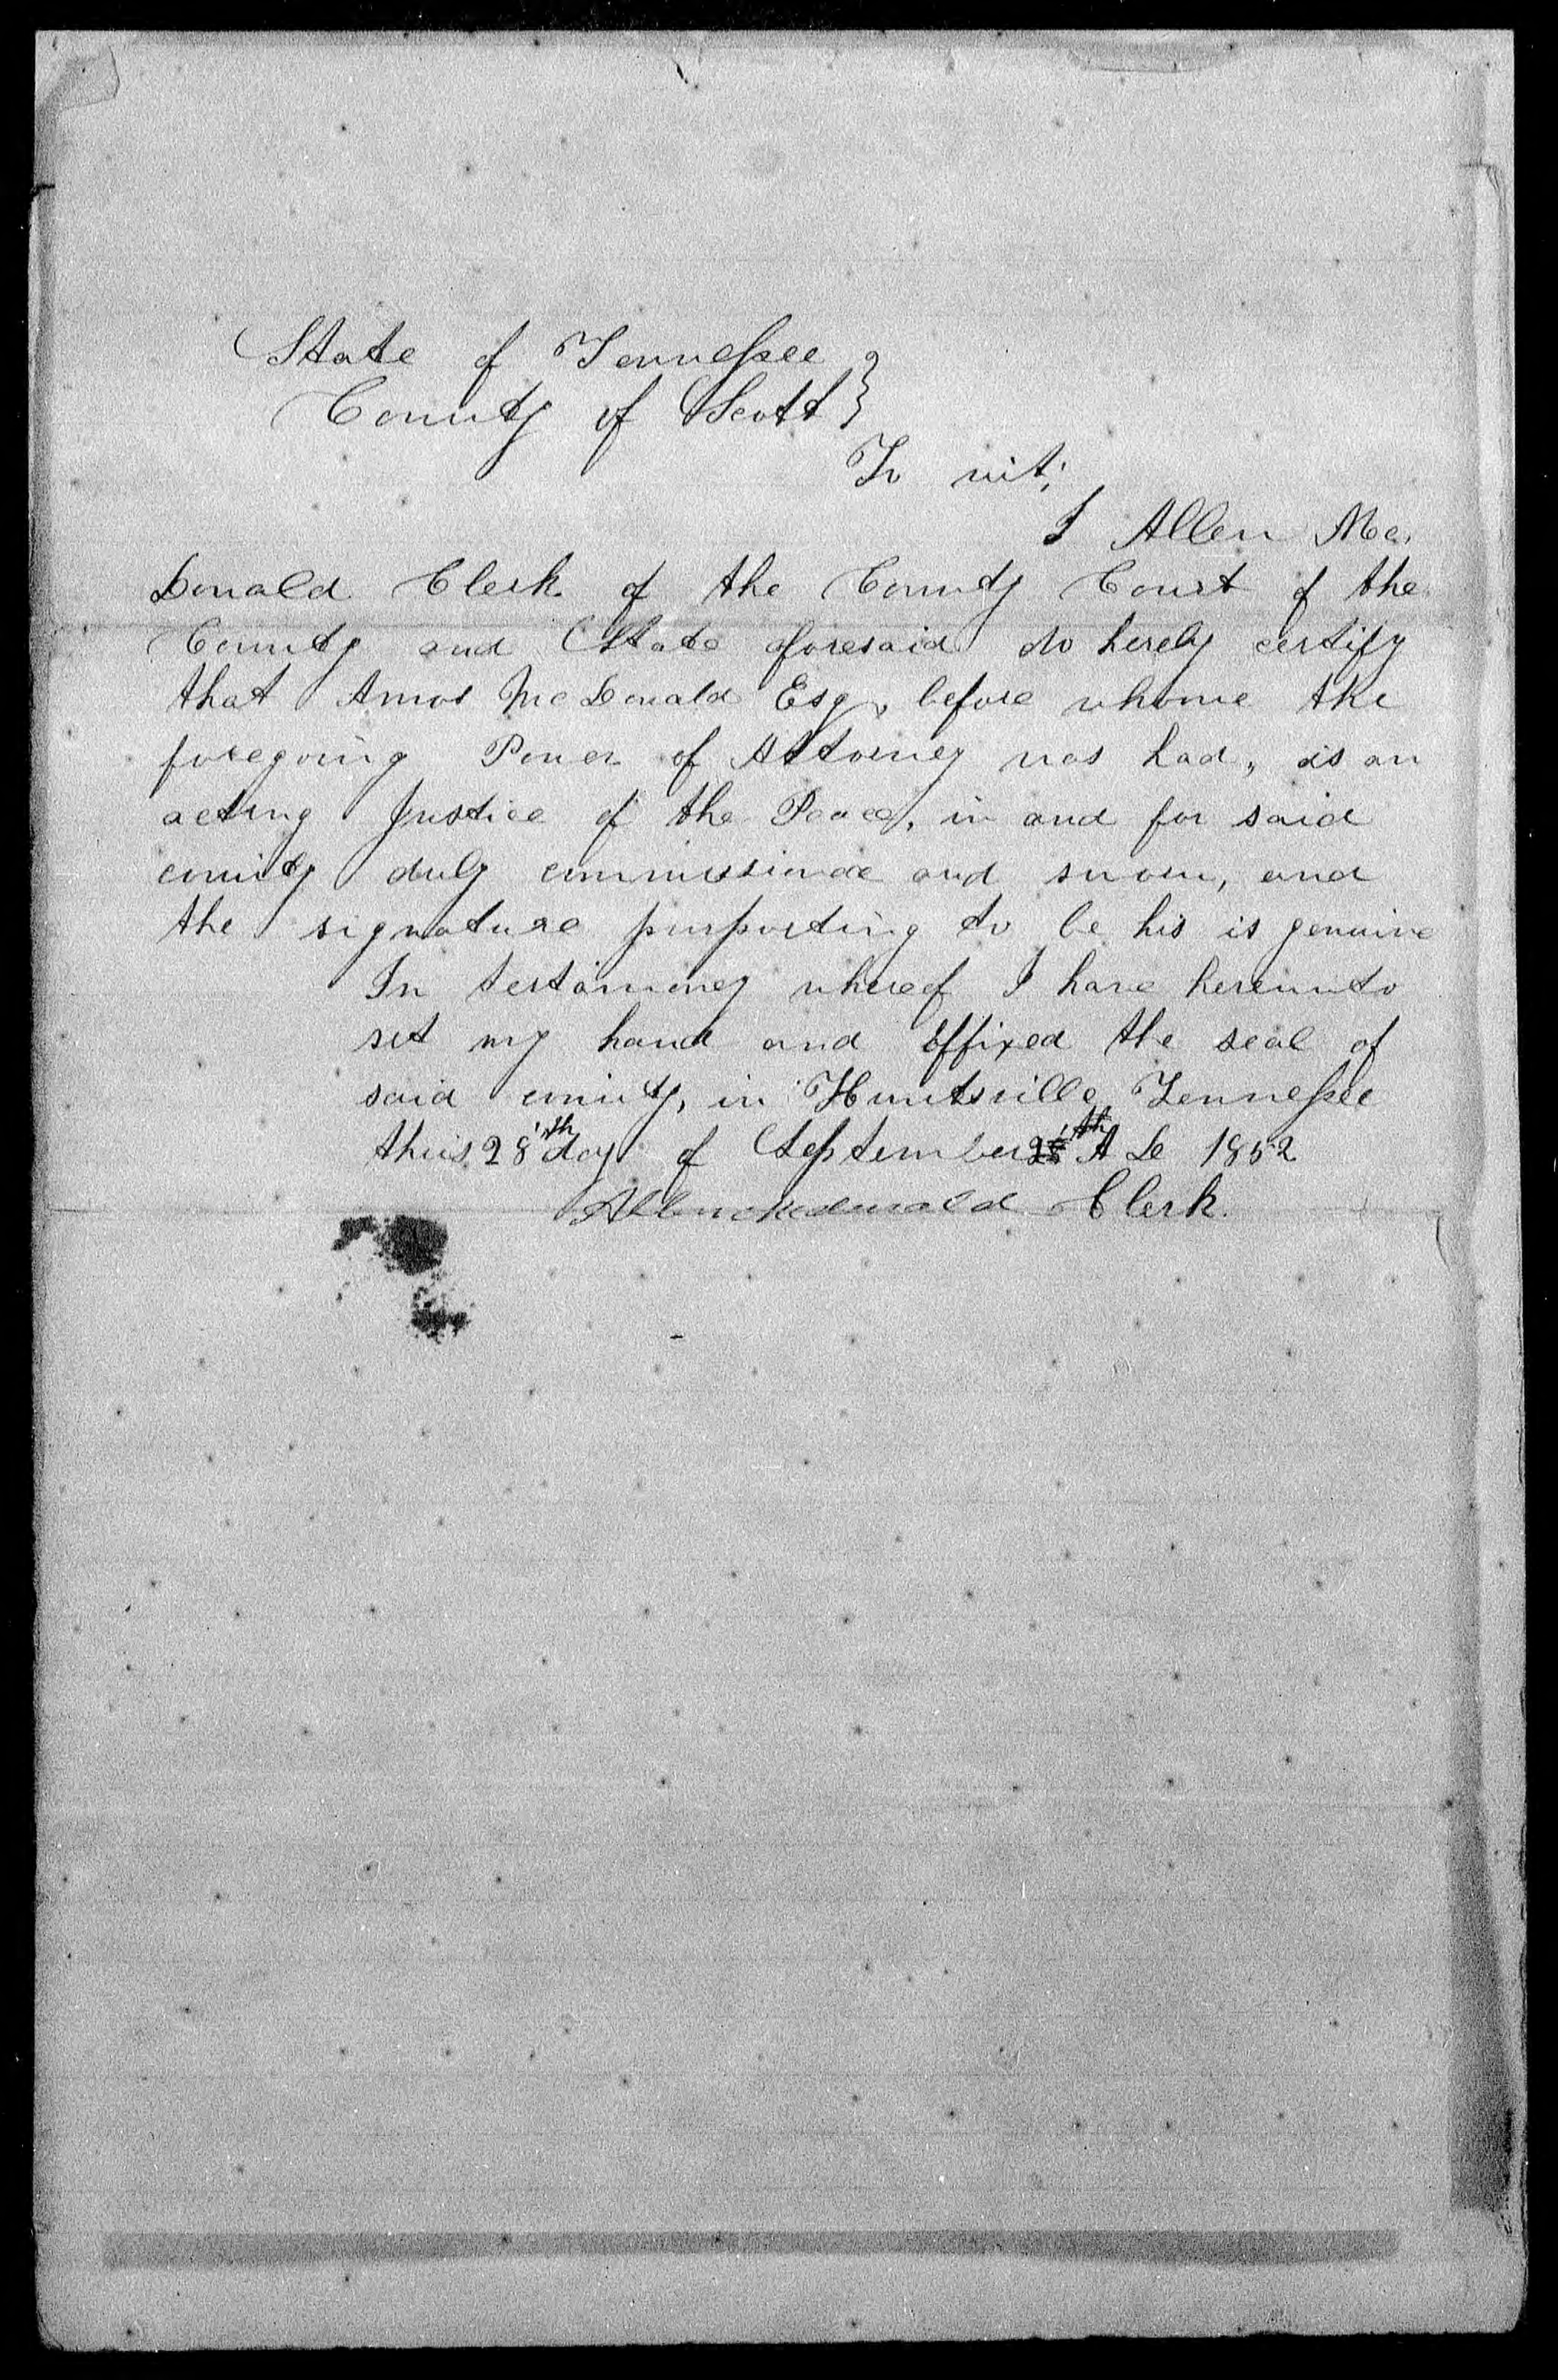State of Tennessee
County of Scott}
To wit;
I Allen Mc
Donald Clerk of the County Court of the
County and State aforesaid do hereby certify
that Amos McDonald Esqr before whome the
foregoing Power of Attorney was had, is an
acting Justice of the Peace, in and for said
county duly commissioned and sworn, and
the signature purporting to be his is genuine
In testimony whereof I have hereunto
set my hand and affixed the seal of
said county, in Huntsville Tennessee
this 28th day of September A.D. 1852
Allen Mcdonald Clerk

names: Allen Mc Donald, Amos Mc Donald, Allen Mc Donald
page: 59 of 74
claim: widow's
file: W. 5, Joseph Hatfield, Va.